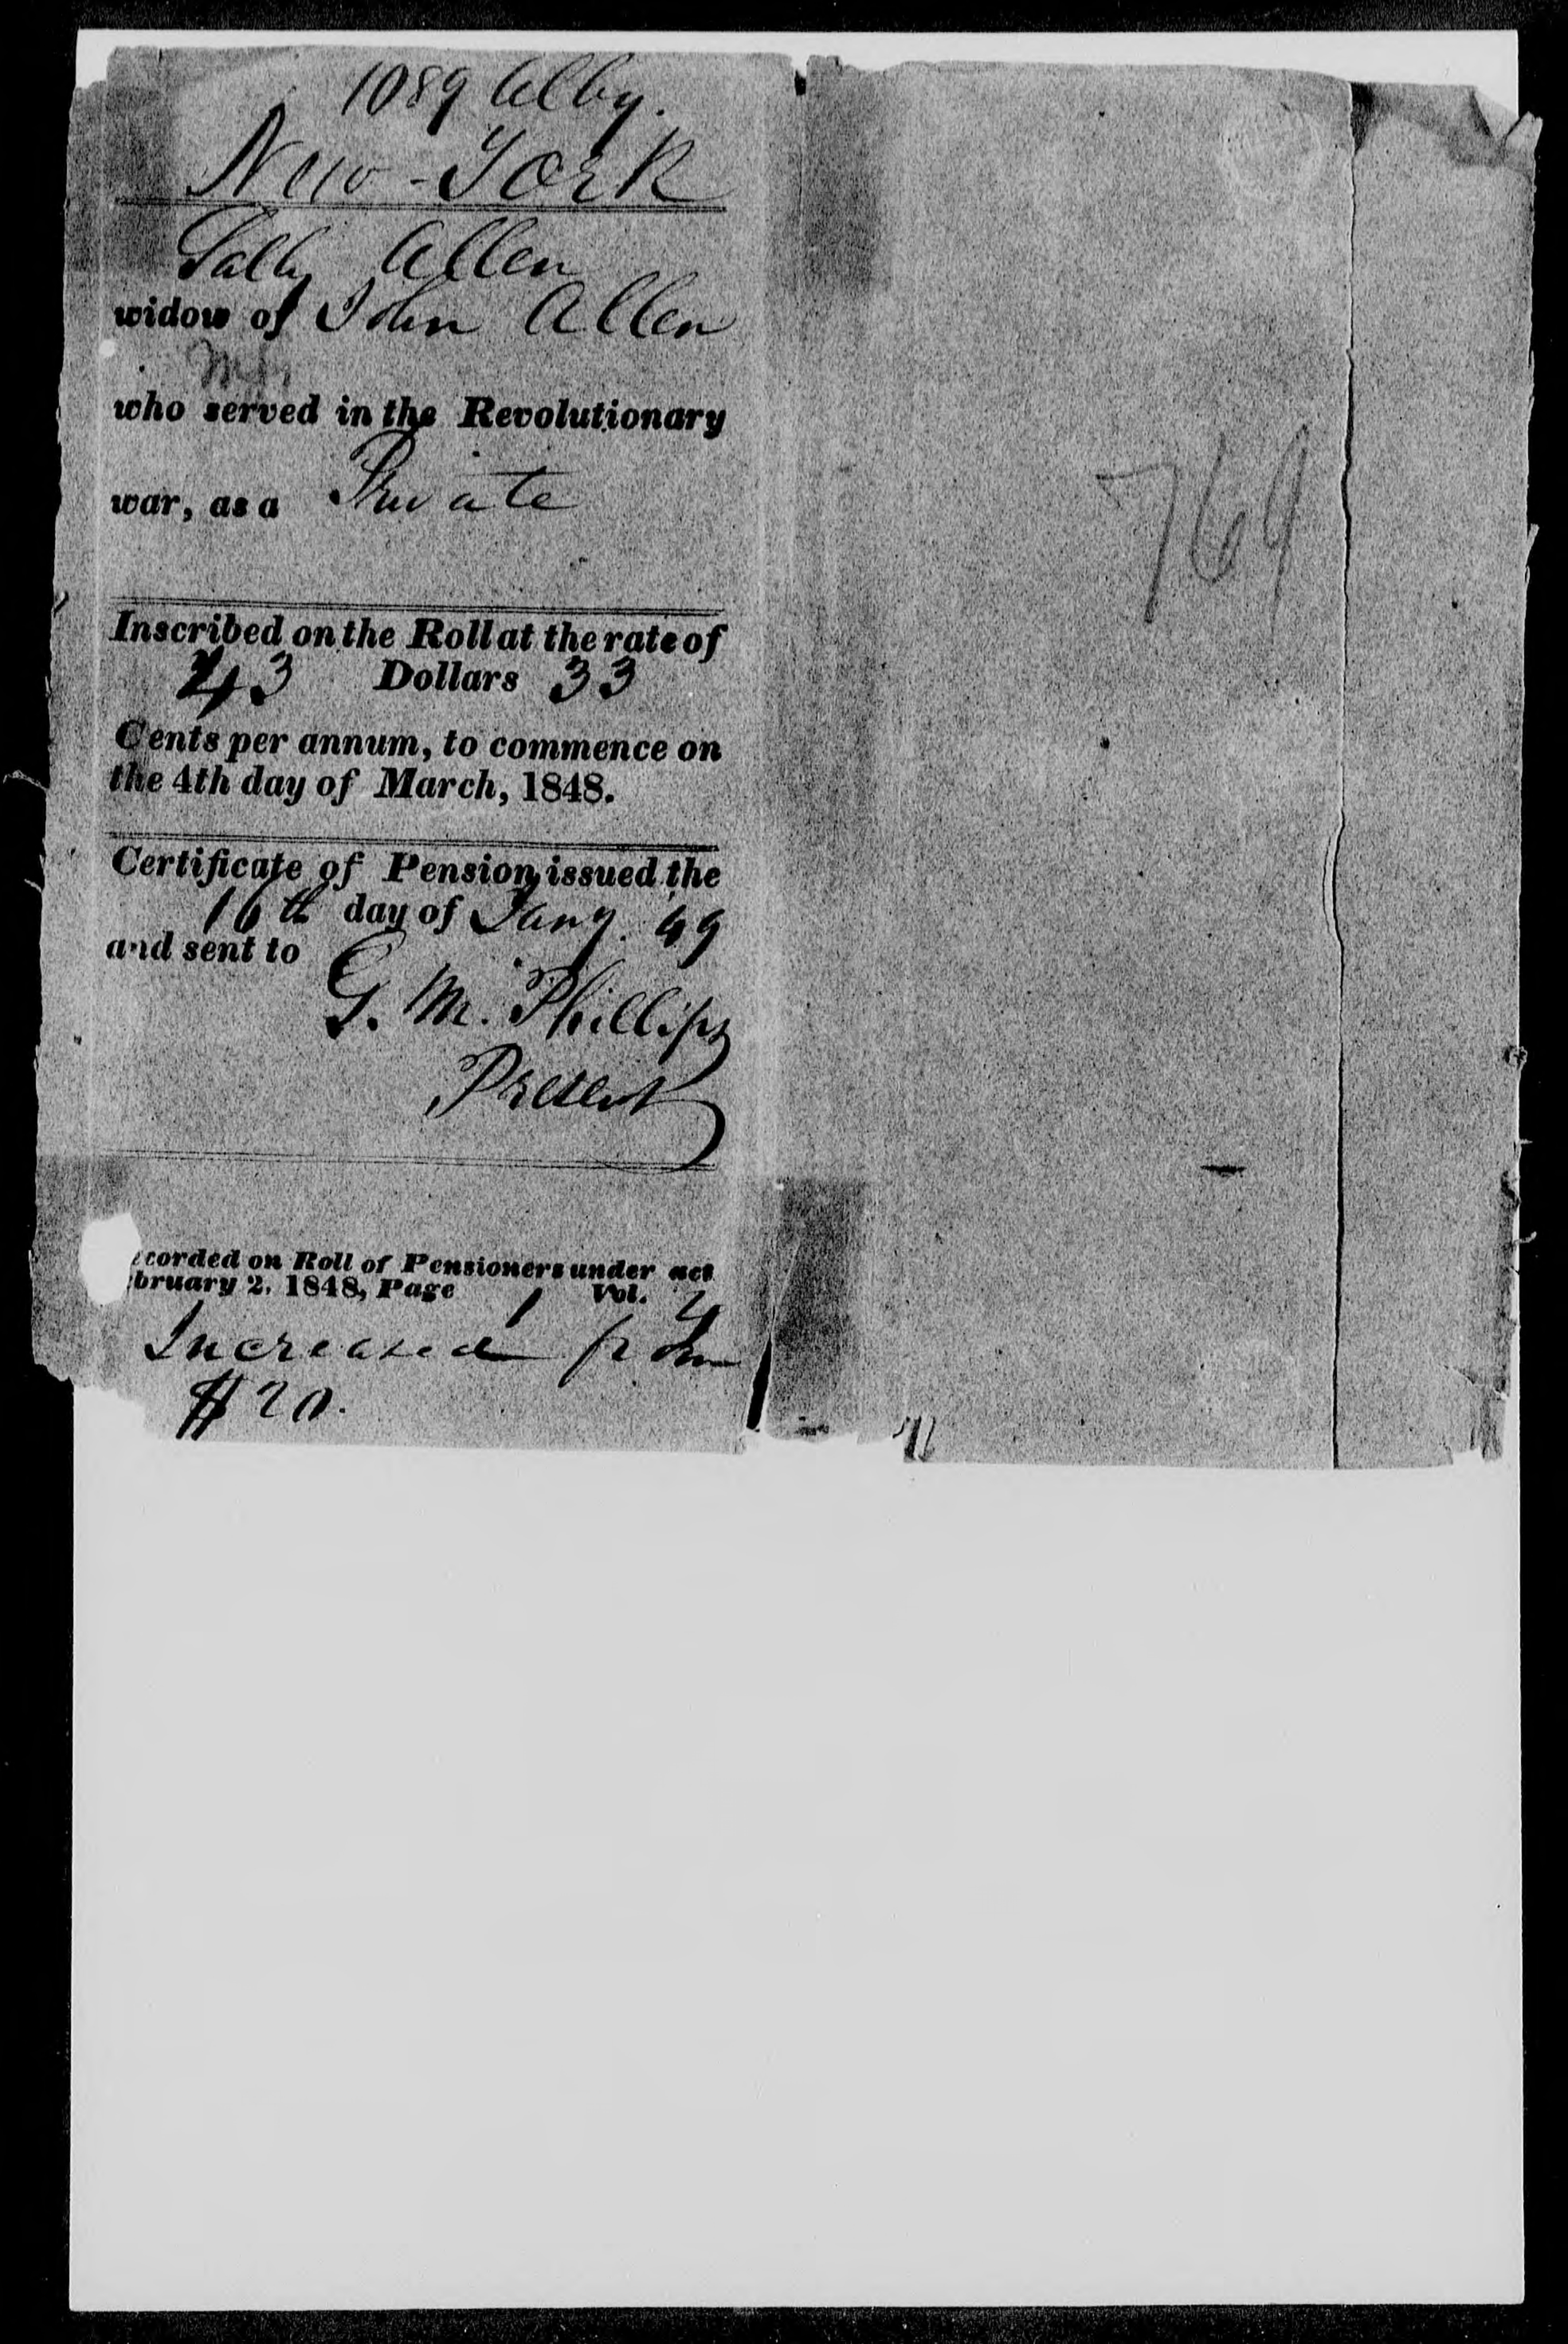[left side]
1089 Alby.
New York
Sally Allen
widow of John Allen
served in the Revolutionary
war, as a Private
Inscribed on the Roll at the rate of
43 Dollars 33
Cents per annum, to commence on
the 4th day of March, 1848.
Certificate of Pension issued the
16th day of Jany 49
and sent to
G. M. Phillips
Present
[partial word] orded on Roll of Pensioners under act
[partial word] bruary 2, 1848, Page 1 Vol. 4
Increased
$20.

[right side] 
769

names: Sally Allen, G M Phillips, John Allen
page: 29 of 74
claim: widow's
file: W. 23424, John Allen, Mass. R. I.